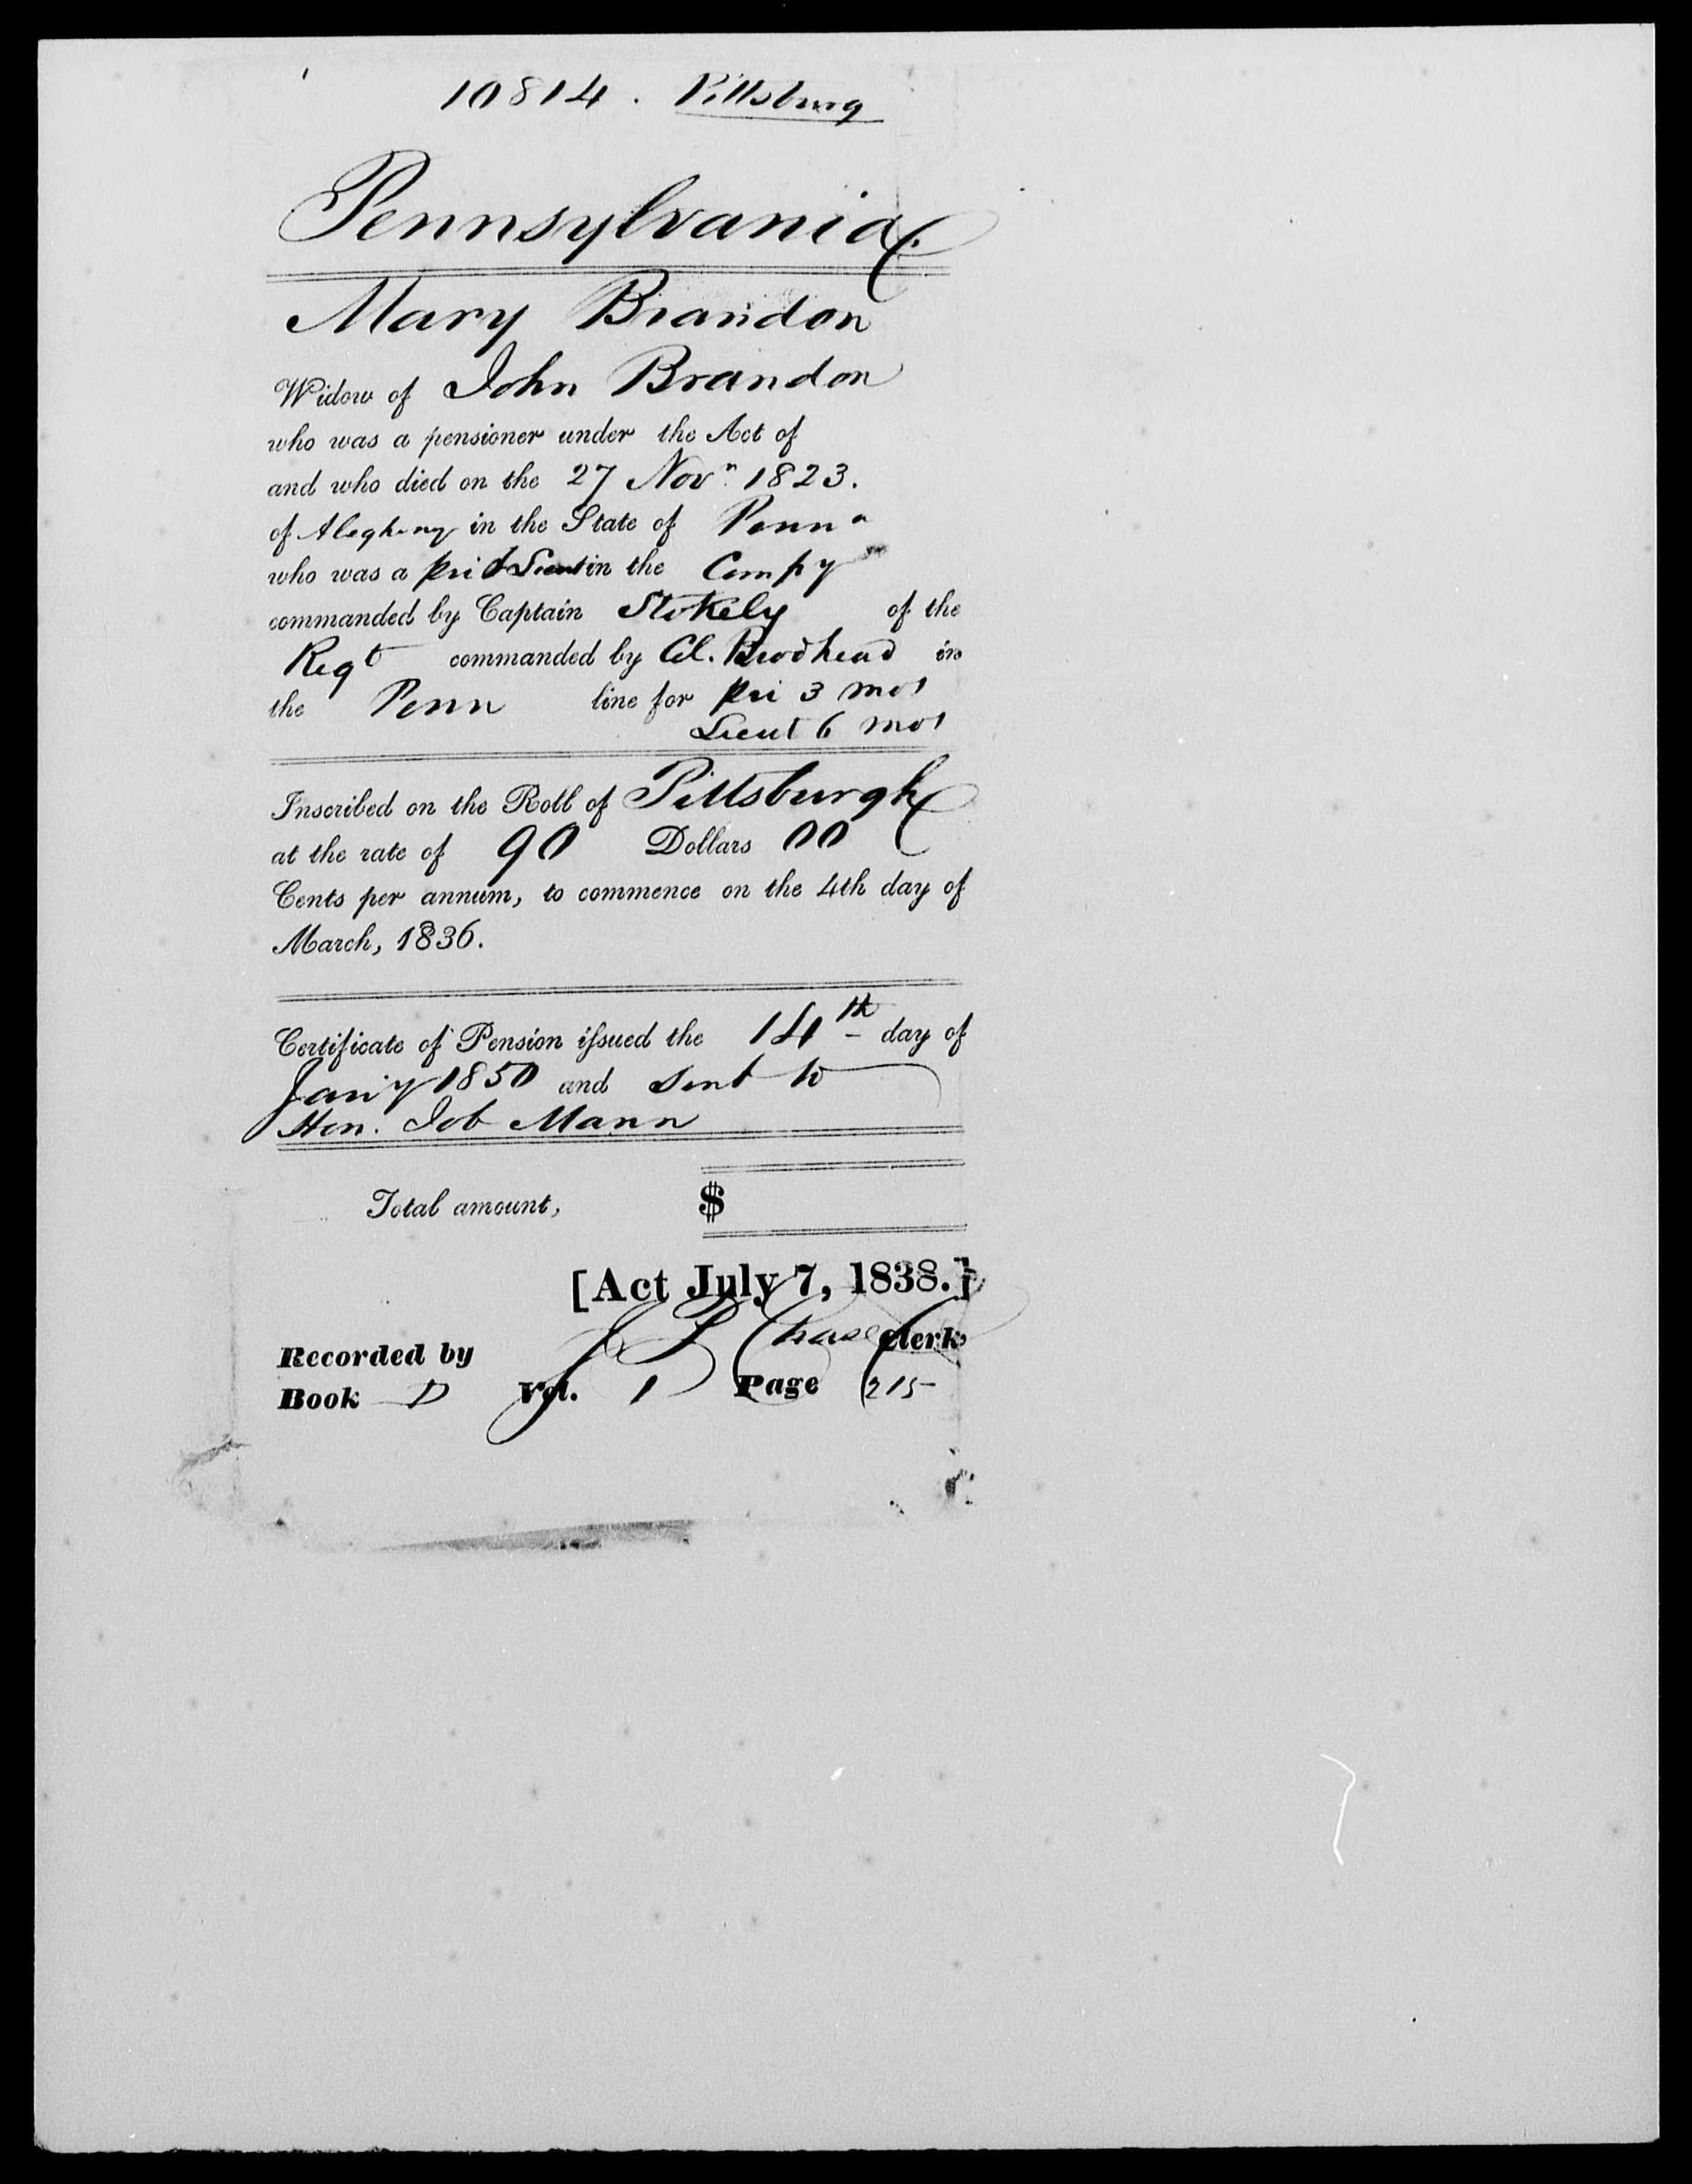10814. Pittsburg [Pittsburgh]
Pennsylvania.
-
Mary Brandon
Widow of John Brandon who was a pensioner under the Act of [blank] and who died on the 27 Nov. 1823, of Alegheny in the State of Penna who was a pri & Lieut in the Compy commanded by Captain Stokely of the Regt commanded by Col. Brodhead in the Penn line for pri 3 months Lieut 6 mos
-
Inscribed on the Roll of Pittsburgh at the rate of 90 Dollars 00 Cents per annum, to commence on the 4th day of March, 1836.
-
Certificate of Pension issued the 14th day of Jany 1850 and sent to Hon. Job Mann
-
Total amount, [blank]
[Act July 7, 1838.]
Recorded by J P Chase Clerk
Book D Vol. 1 Page 215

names: Job Mann, J P Chase, John Brandon, Mary Brandon, Stokely, Brodhead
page: 47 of 83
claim: widow's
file: W. 5946, John Brandon, Penn